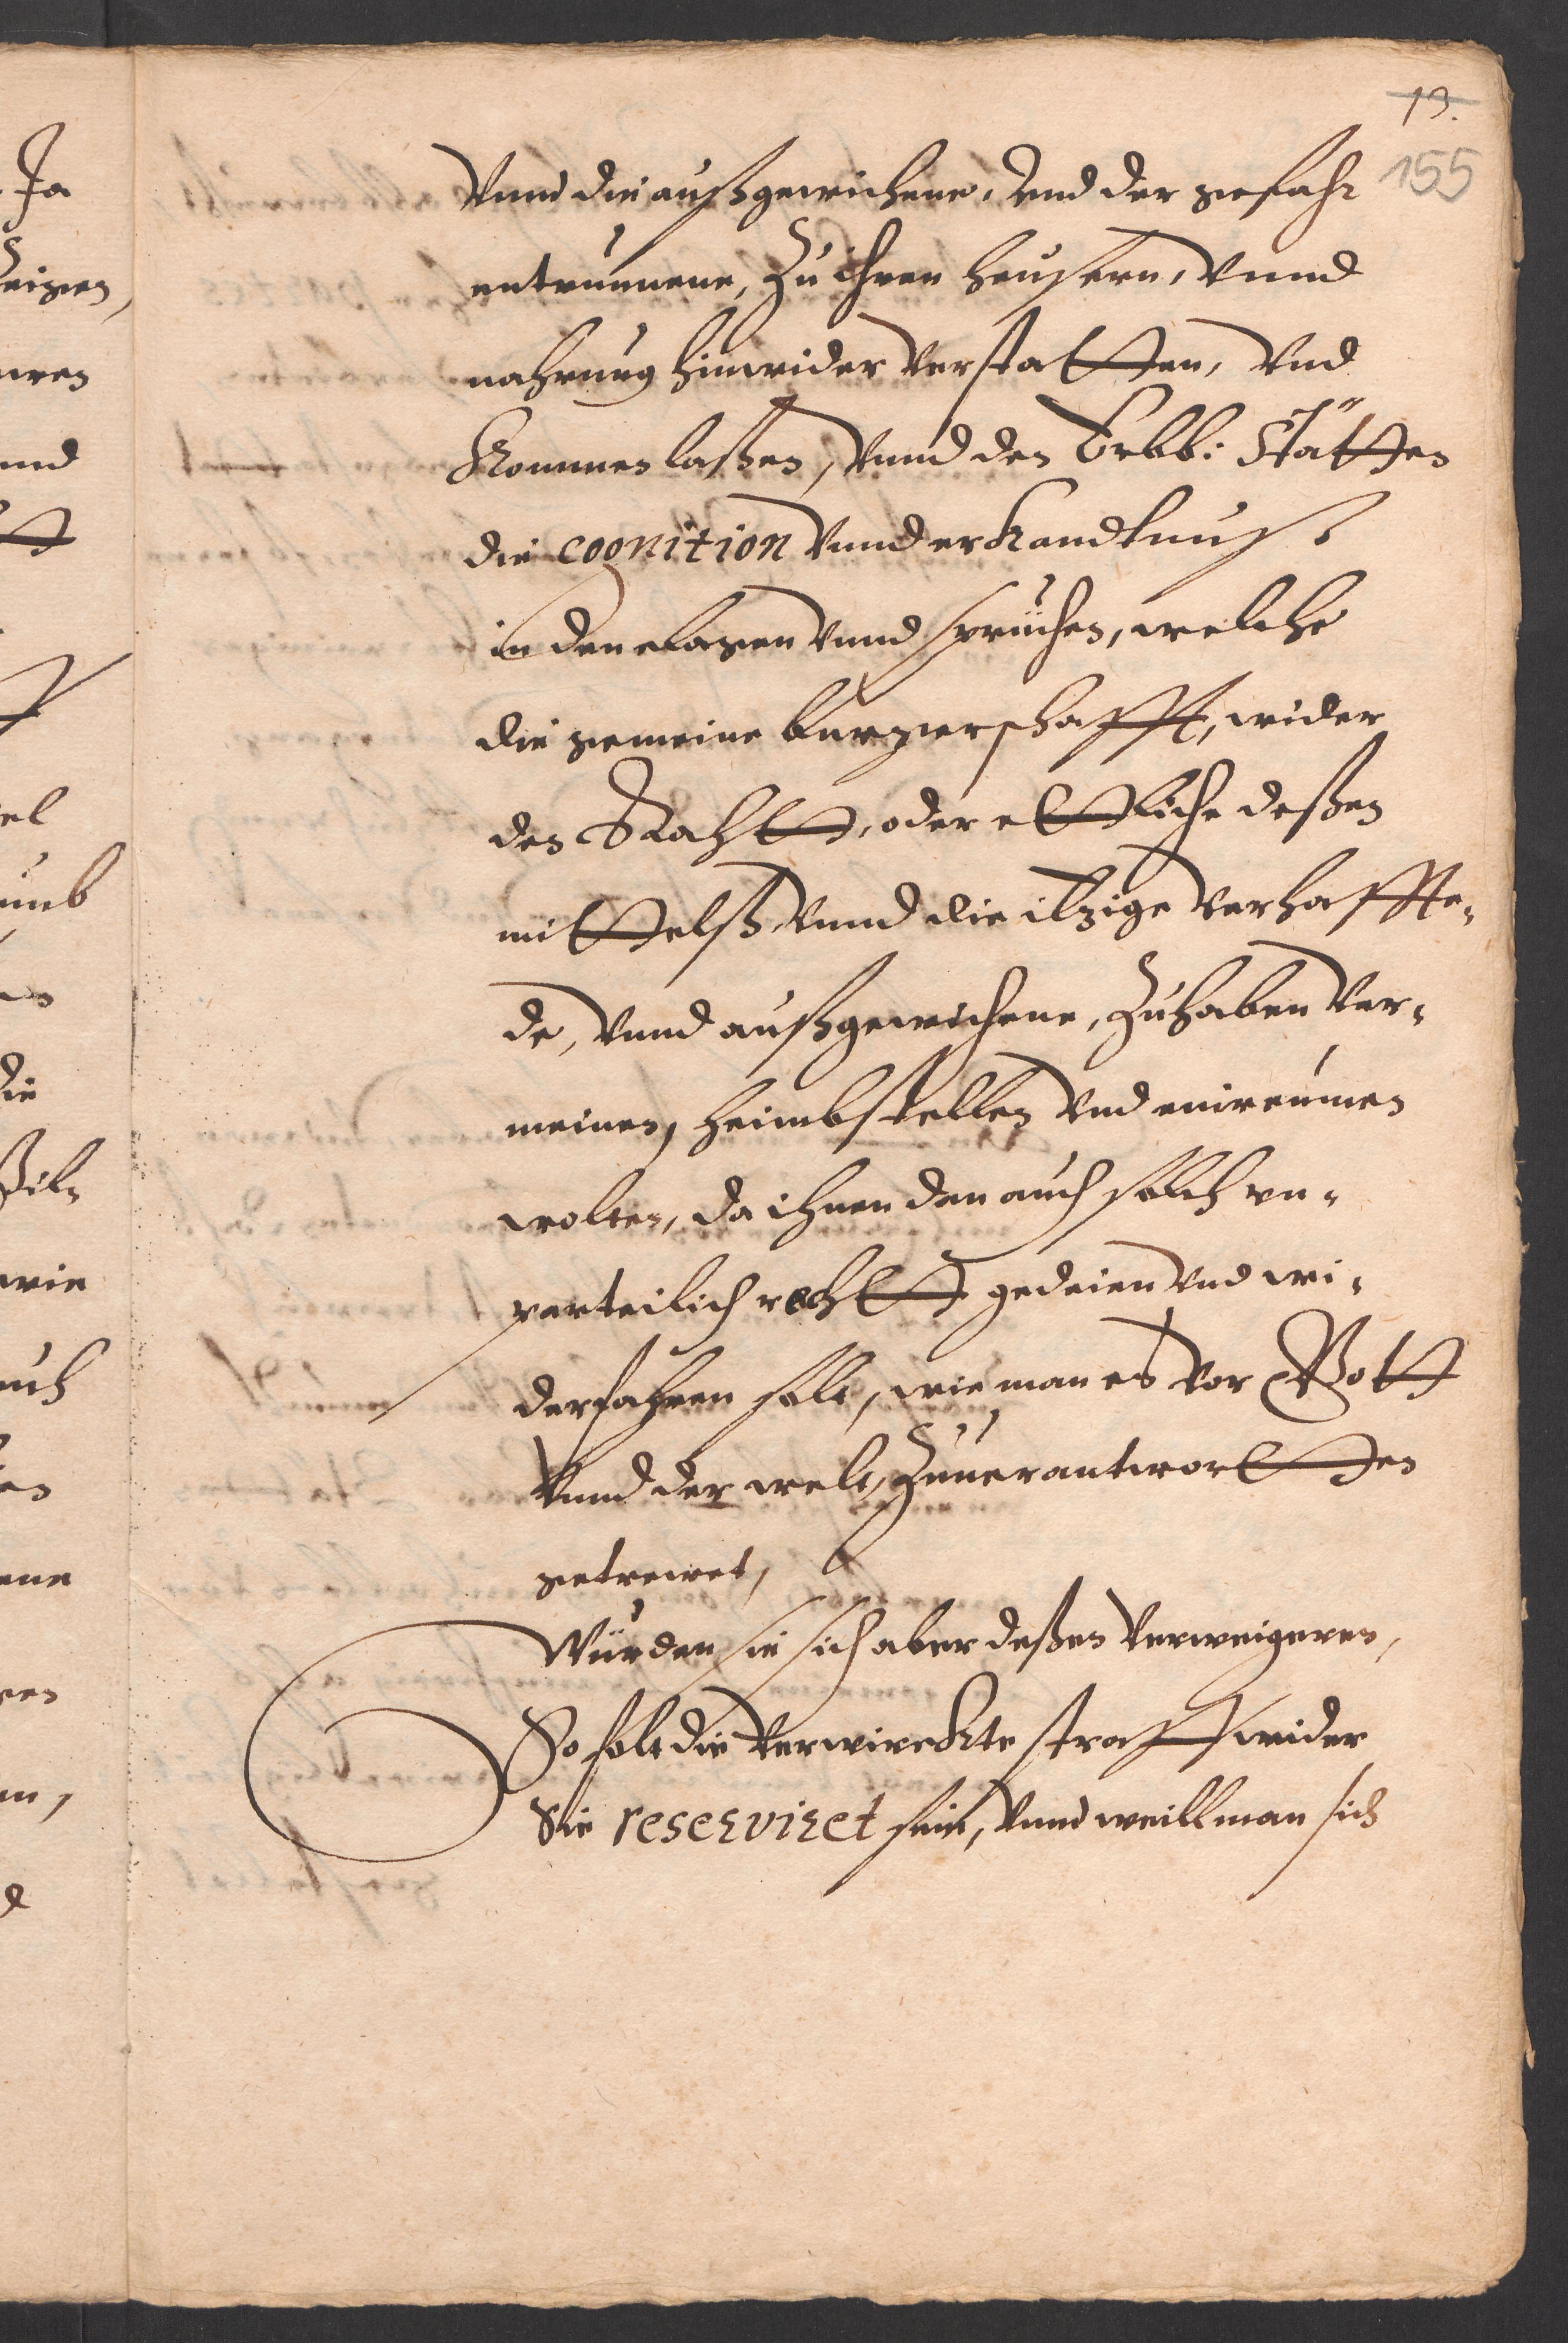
13
vnnd die außgewichene, vnd der gefahr
entrunnene, zu ihren heusern, vnnd
nahrung hinwider verstatten, vnd
kommen laßen, vnd den Erbb: Stätten
die cognition vnnd erkandtnuß
in den clagen vnnd sprüchen, welche
die gemeine burgerschafft, wider
den Rahtt, oder ettliche deßen
mittelß vnnd die itzige verhaftte¬
de, vnnd außgewichene, zuhaben ver¬
meinen, heimbstellen vnd einreumen
wolten, da ihnen dan auch solch vn¬
parteilich rechtt gedeien vnd wi¬
derfahren solt, wie man es vor Gott
vnd der welt, zuuerantwortten
getrewet,
Würden sie sich aber deßen verweigeren,
So solt die verwirrckte straff wider
Sie reserviret sein, vnd weill man sich
